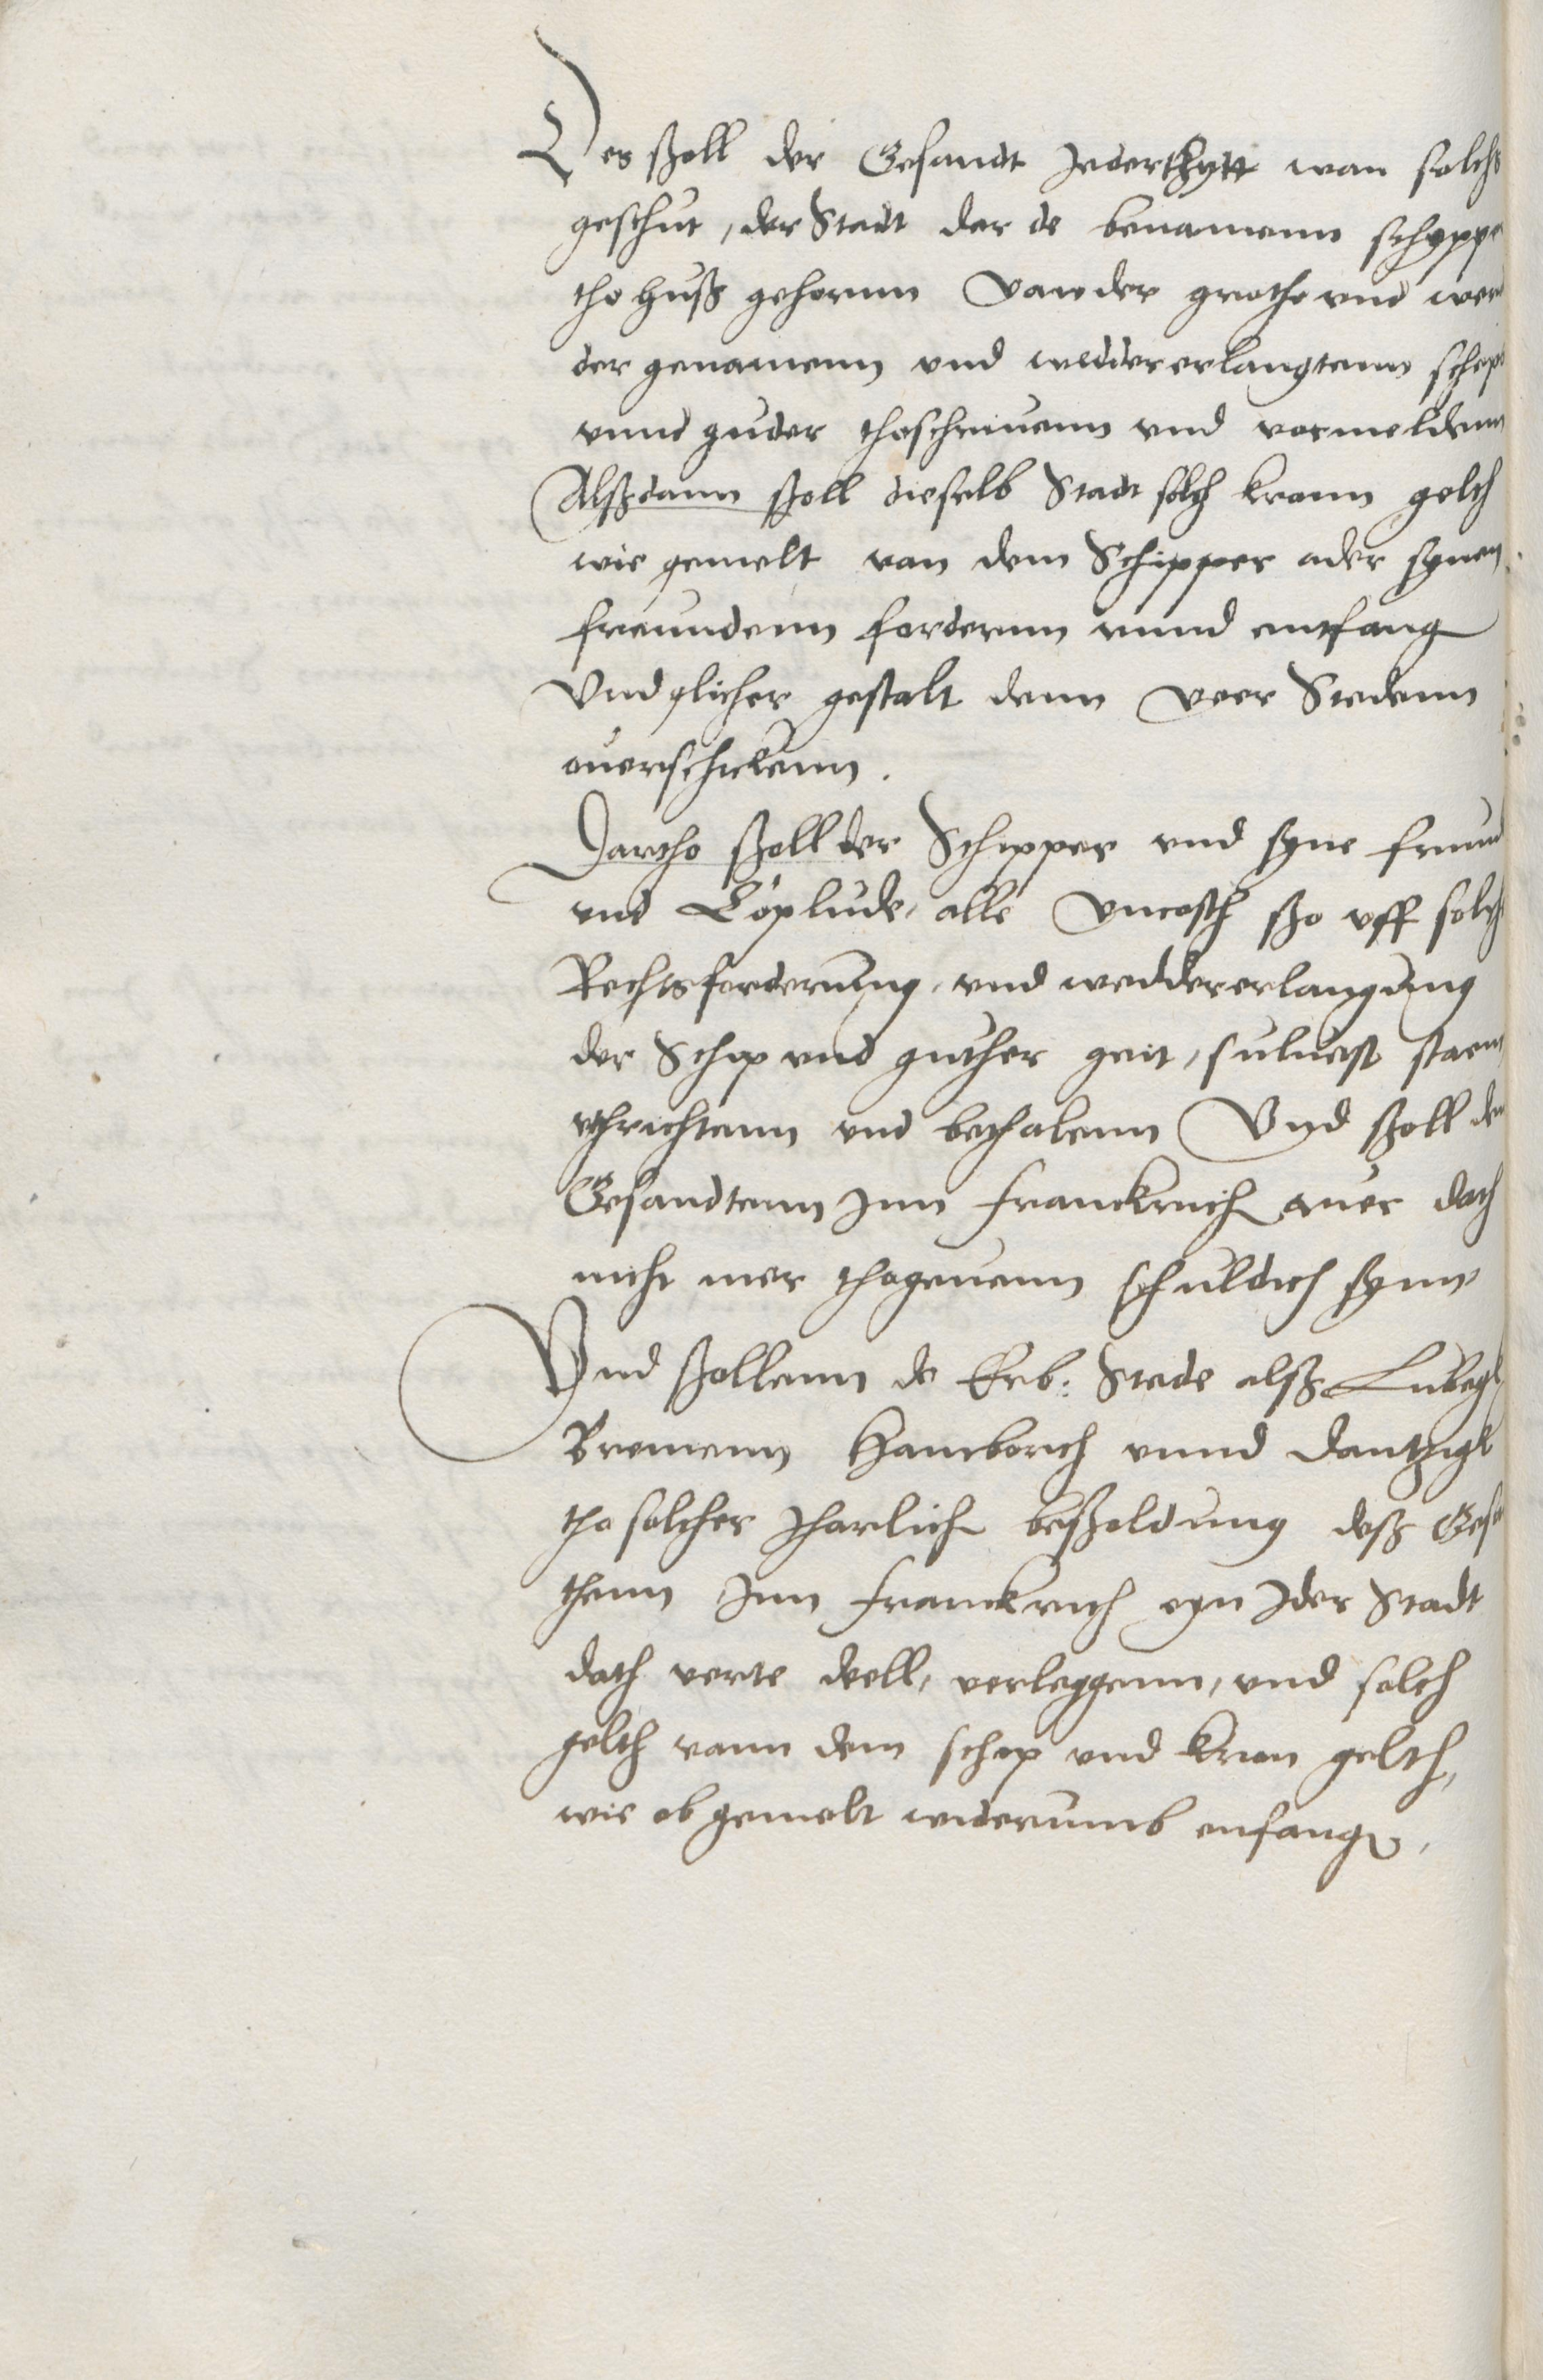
Des ßoll der Gesandt jederthytt wan solchs
geschut, der Stadt dar de benamenn schyppe
tho huß gehornn Van der grothe vnd werd
der genamenn vnd weddererlangtenn schepe
vnnd guder thoschriuenn vnd vormeldenn
Alß dann ßoll dieselb Stadt solch Kronn gelth
wie gemelt van dem Schipper ader synen
freundenn fordernn vnnd entfangen
Vnd glicher gestalt denn Veer Stedenn
ouerschickenn.
Dartho ßoll der Schipper vnd syne frund
vnd Coplude, alle Vncosth ßo vff solche
Rechtsforderung, vnd weddererlangung
der Schip vnd guther geit, suluest staenn
vthrichtenn vnd bethalenn Vnd ßoll den
Gesandtenn jnn Franckrichen auer dath
nicht mer thogeuenn schuldich synn,
Vnd ßollenn de Erb: Stede alß Lubegk
Bremenn Hamborch vnnd Dantzigk
tho solcher jharlichen beßoldung de Gesa
thenn jnn Franckrich eyn jder Stadt
dath verte deell, verleggenn, vnd solch
gelth vann dem schep vnd Kron gelth,
wie obgemelt widerumb enfangen,
